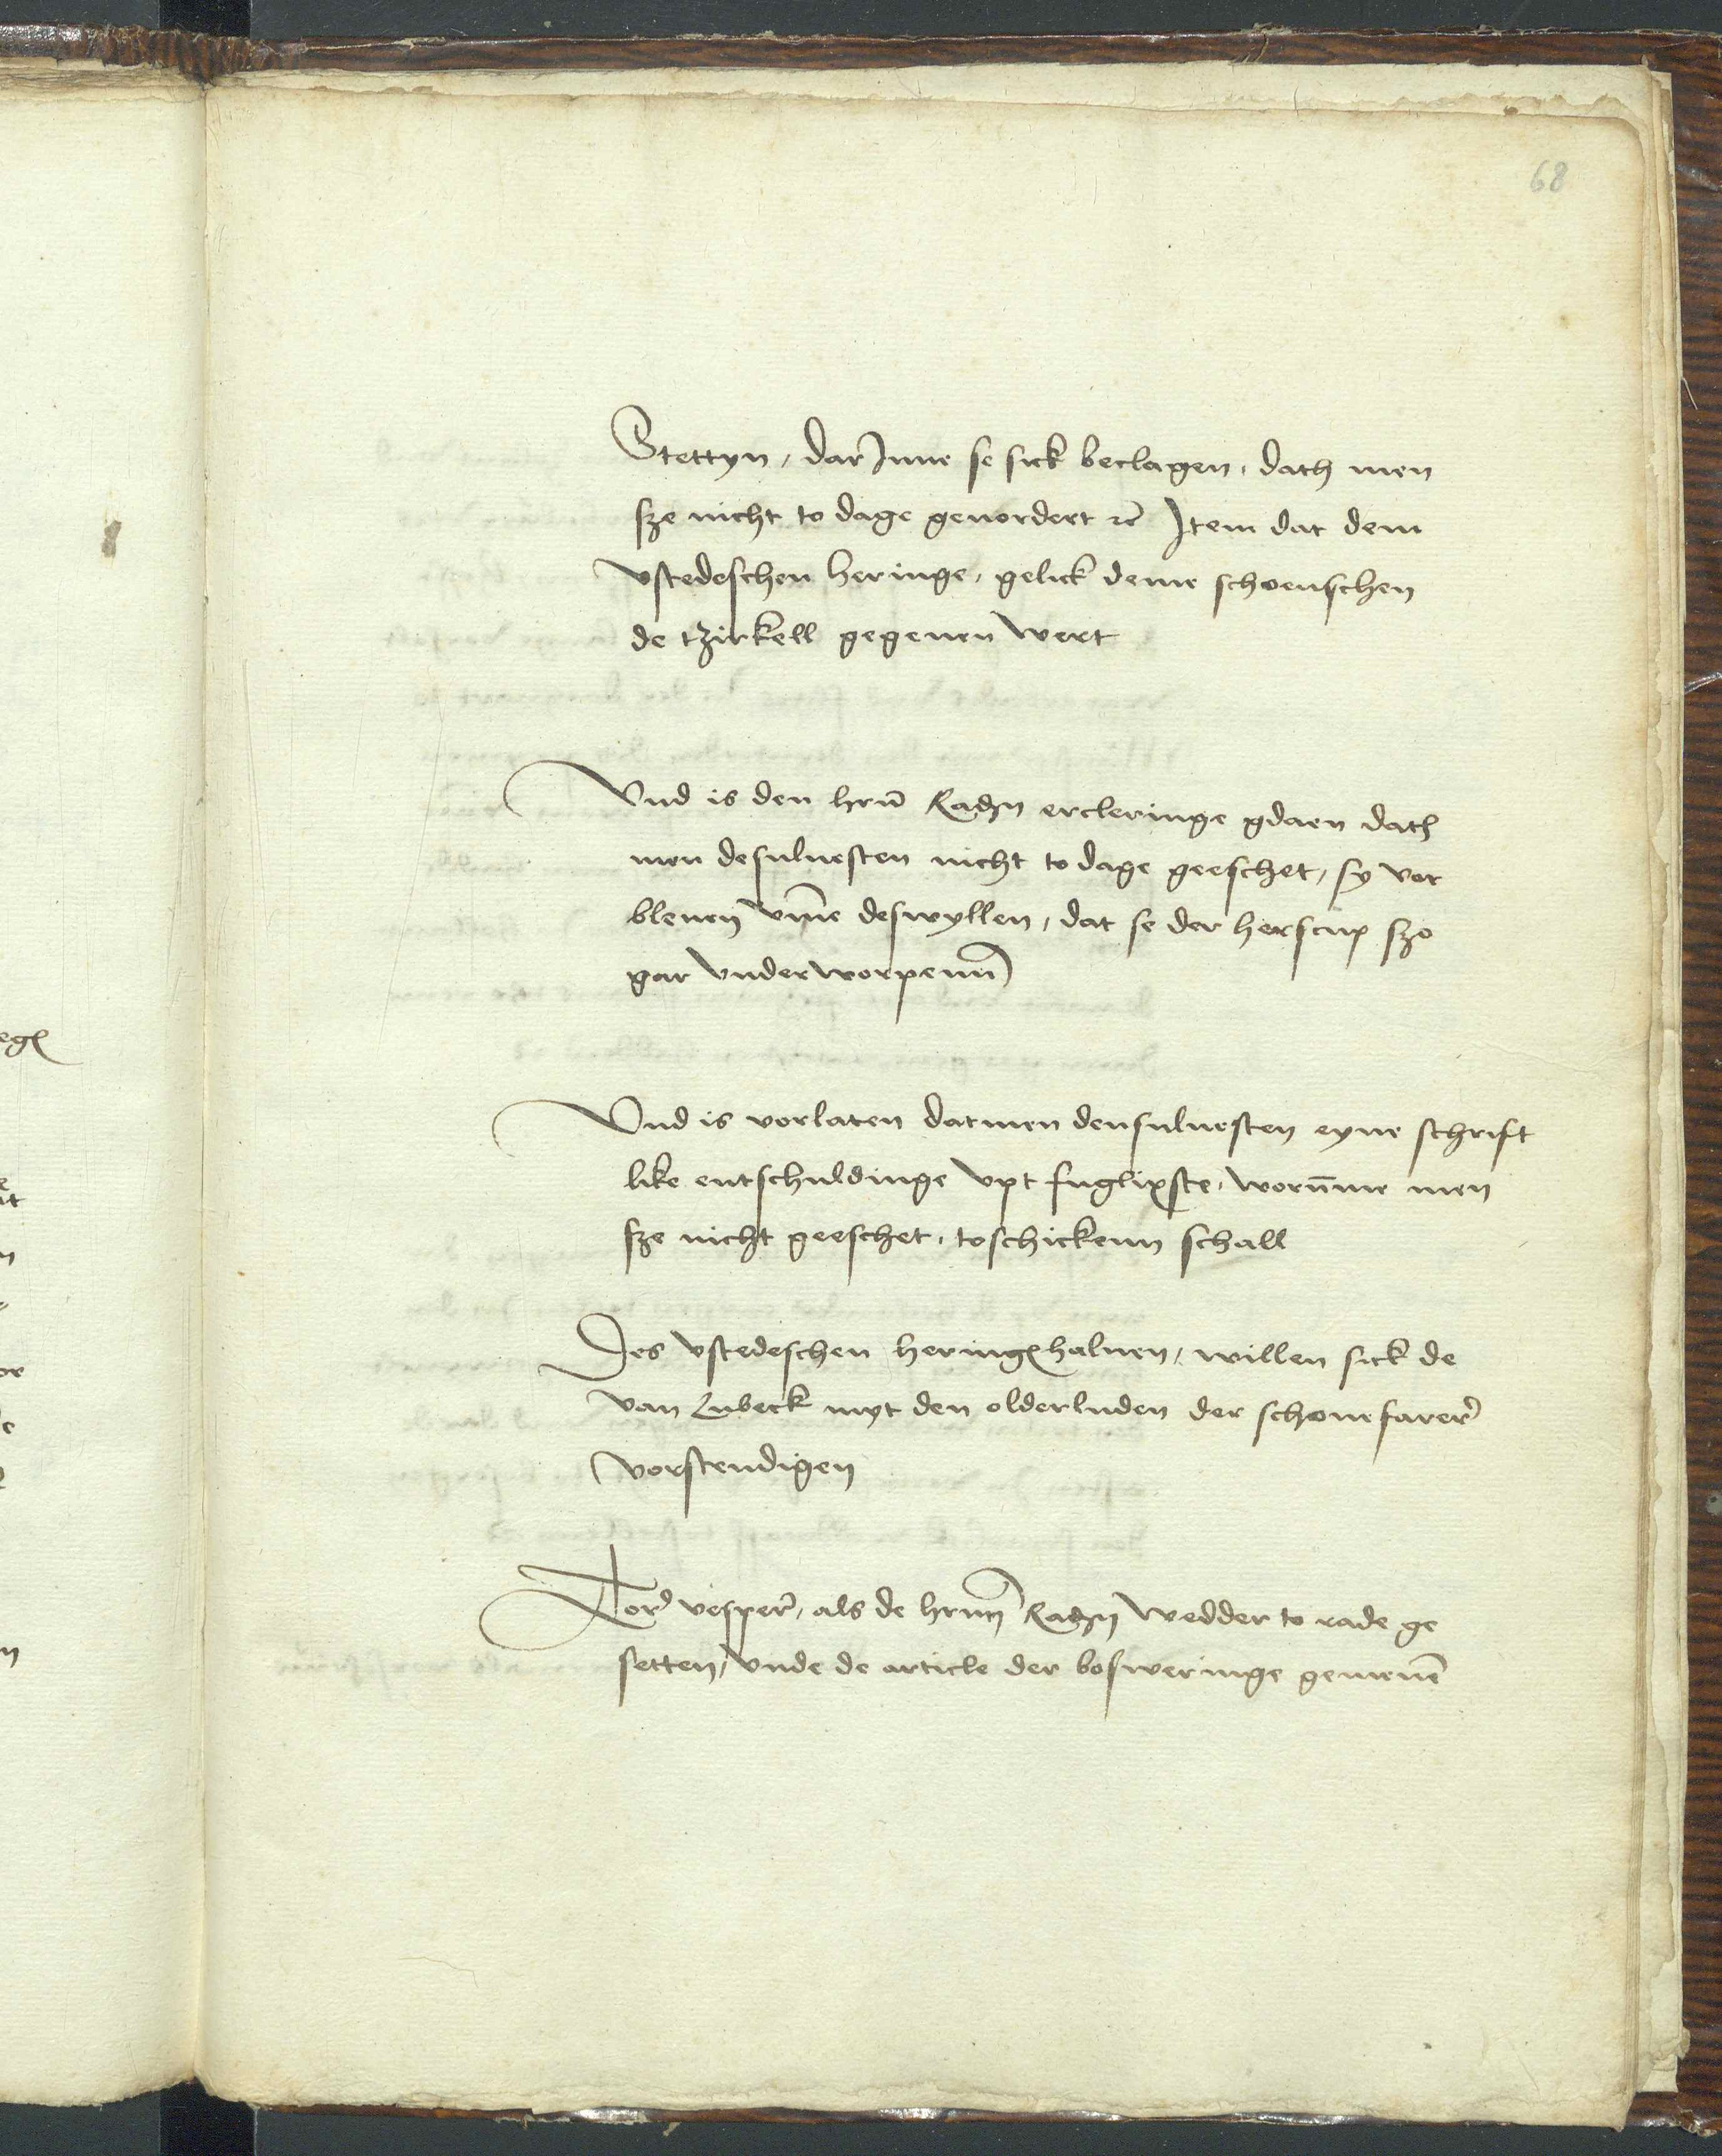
Stettyn, dar Jnne se sick beclagen, dath men
sze nicht to dage geuordert etc Jtem dat dem
vstedeschen heringe, gelick deme schoenschen
de tzirkell gegeuen wert
Vnd is den hern Radessendebaden ercleringe gdaen dath
men desuluesten nicht to dage geeschet, sy vor¬
bleuen vmme deswylen, dat se der herscup szo¬
gar vnderworpenn
Vnd is vorlaten datmen densuluesten eyne schryft¬
like entschuldinge vpt fuglixste, worumme men
sze nicht geeschet, toschickenn schall
Des vstedeschen heringes haluen, willen sick de
van Lubeck myt den olderluden der schonefarer
vorstendigen
Tor vesper, als den hernn Radessendebanden wedder to rade ge¬
setten, vnde de article der bosweringe gemenen
